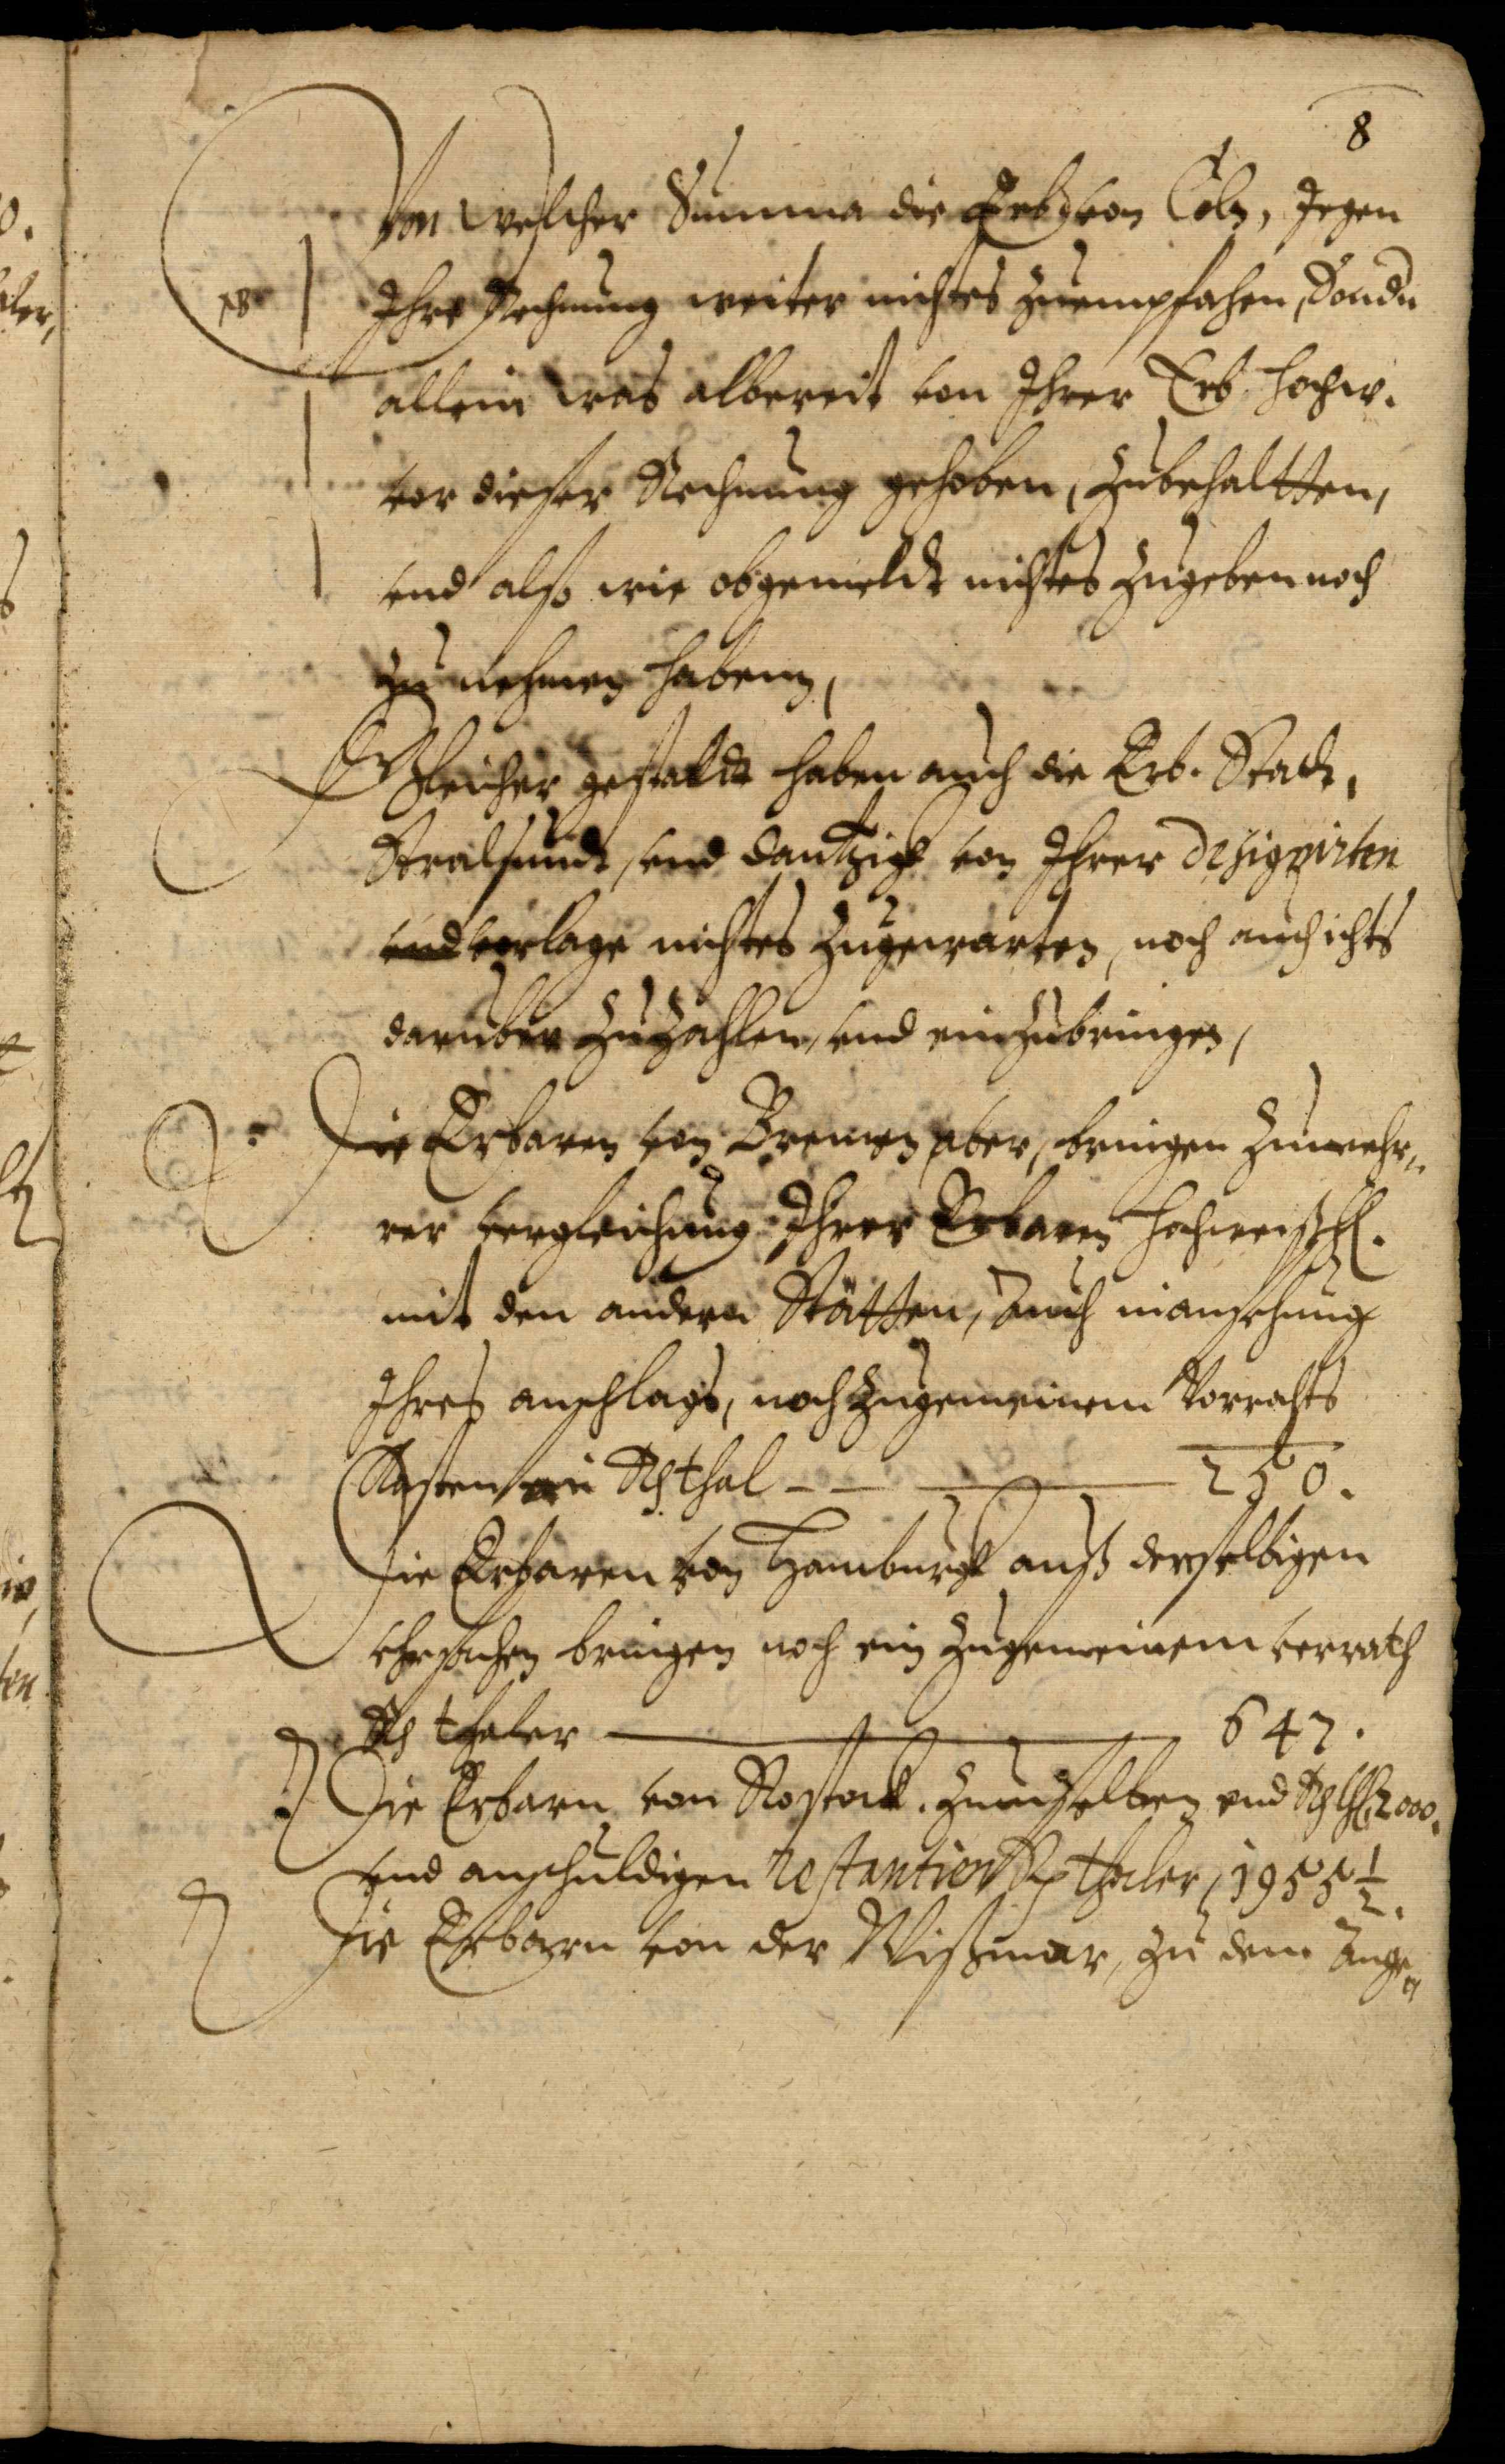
8
Von welcher Summa die Erb von Coln, Jegen
Ihre Rechnung weiter nichtes zuempfahen, sondern
allein was albereit von Ihrer Erb. hochw.
vor dieser Rechnung gehoben, zubehaltten,
vnd alß wie obgemeldt nichtes zugeben noch
zu nehmen habenn,
Gleicher gestaldt haben auch die Erb. Stadt,
Stralsundt, vnd Dantzick von Ihrer designirten
vnd vorlage nichtes zugewarten, noch auch ichts
daruber zuzahlen, vnd einzubringen,
Die Erbarn von Bremen aber, bringen zumehr,
vor vergleichung Ihrer Erbarn hochweißhl.
mit den andern Stätten, Auch in ansehung
Ihres anschlags, noch zugemeinem Vorrahts
Kosten von Reichsthal _ 250.
Die Erbaren von Hamburgk auß denselbigen
vhrsachen bringen noch ein zugemeinem vorrath
Reichs thaler _ 647.
Die Erbarn von Rostock. zumselben vnd Reichsthl. 2000,
vnd anschuldigen restantien Reichsthaler, 1955 ½
Die Erbarn von der Wißmar, zu dem Ange¬
NB
